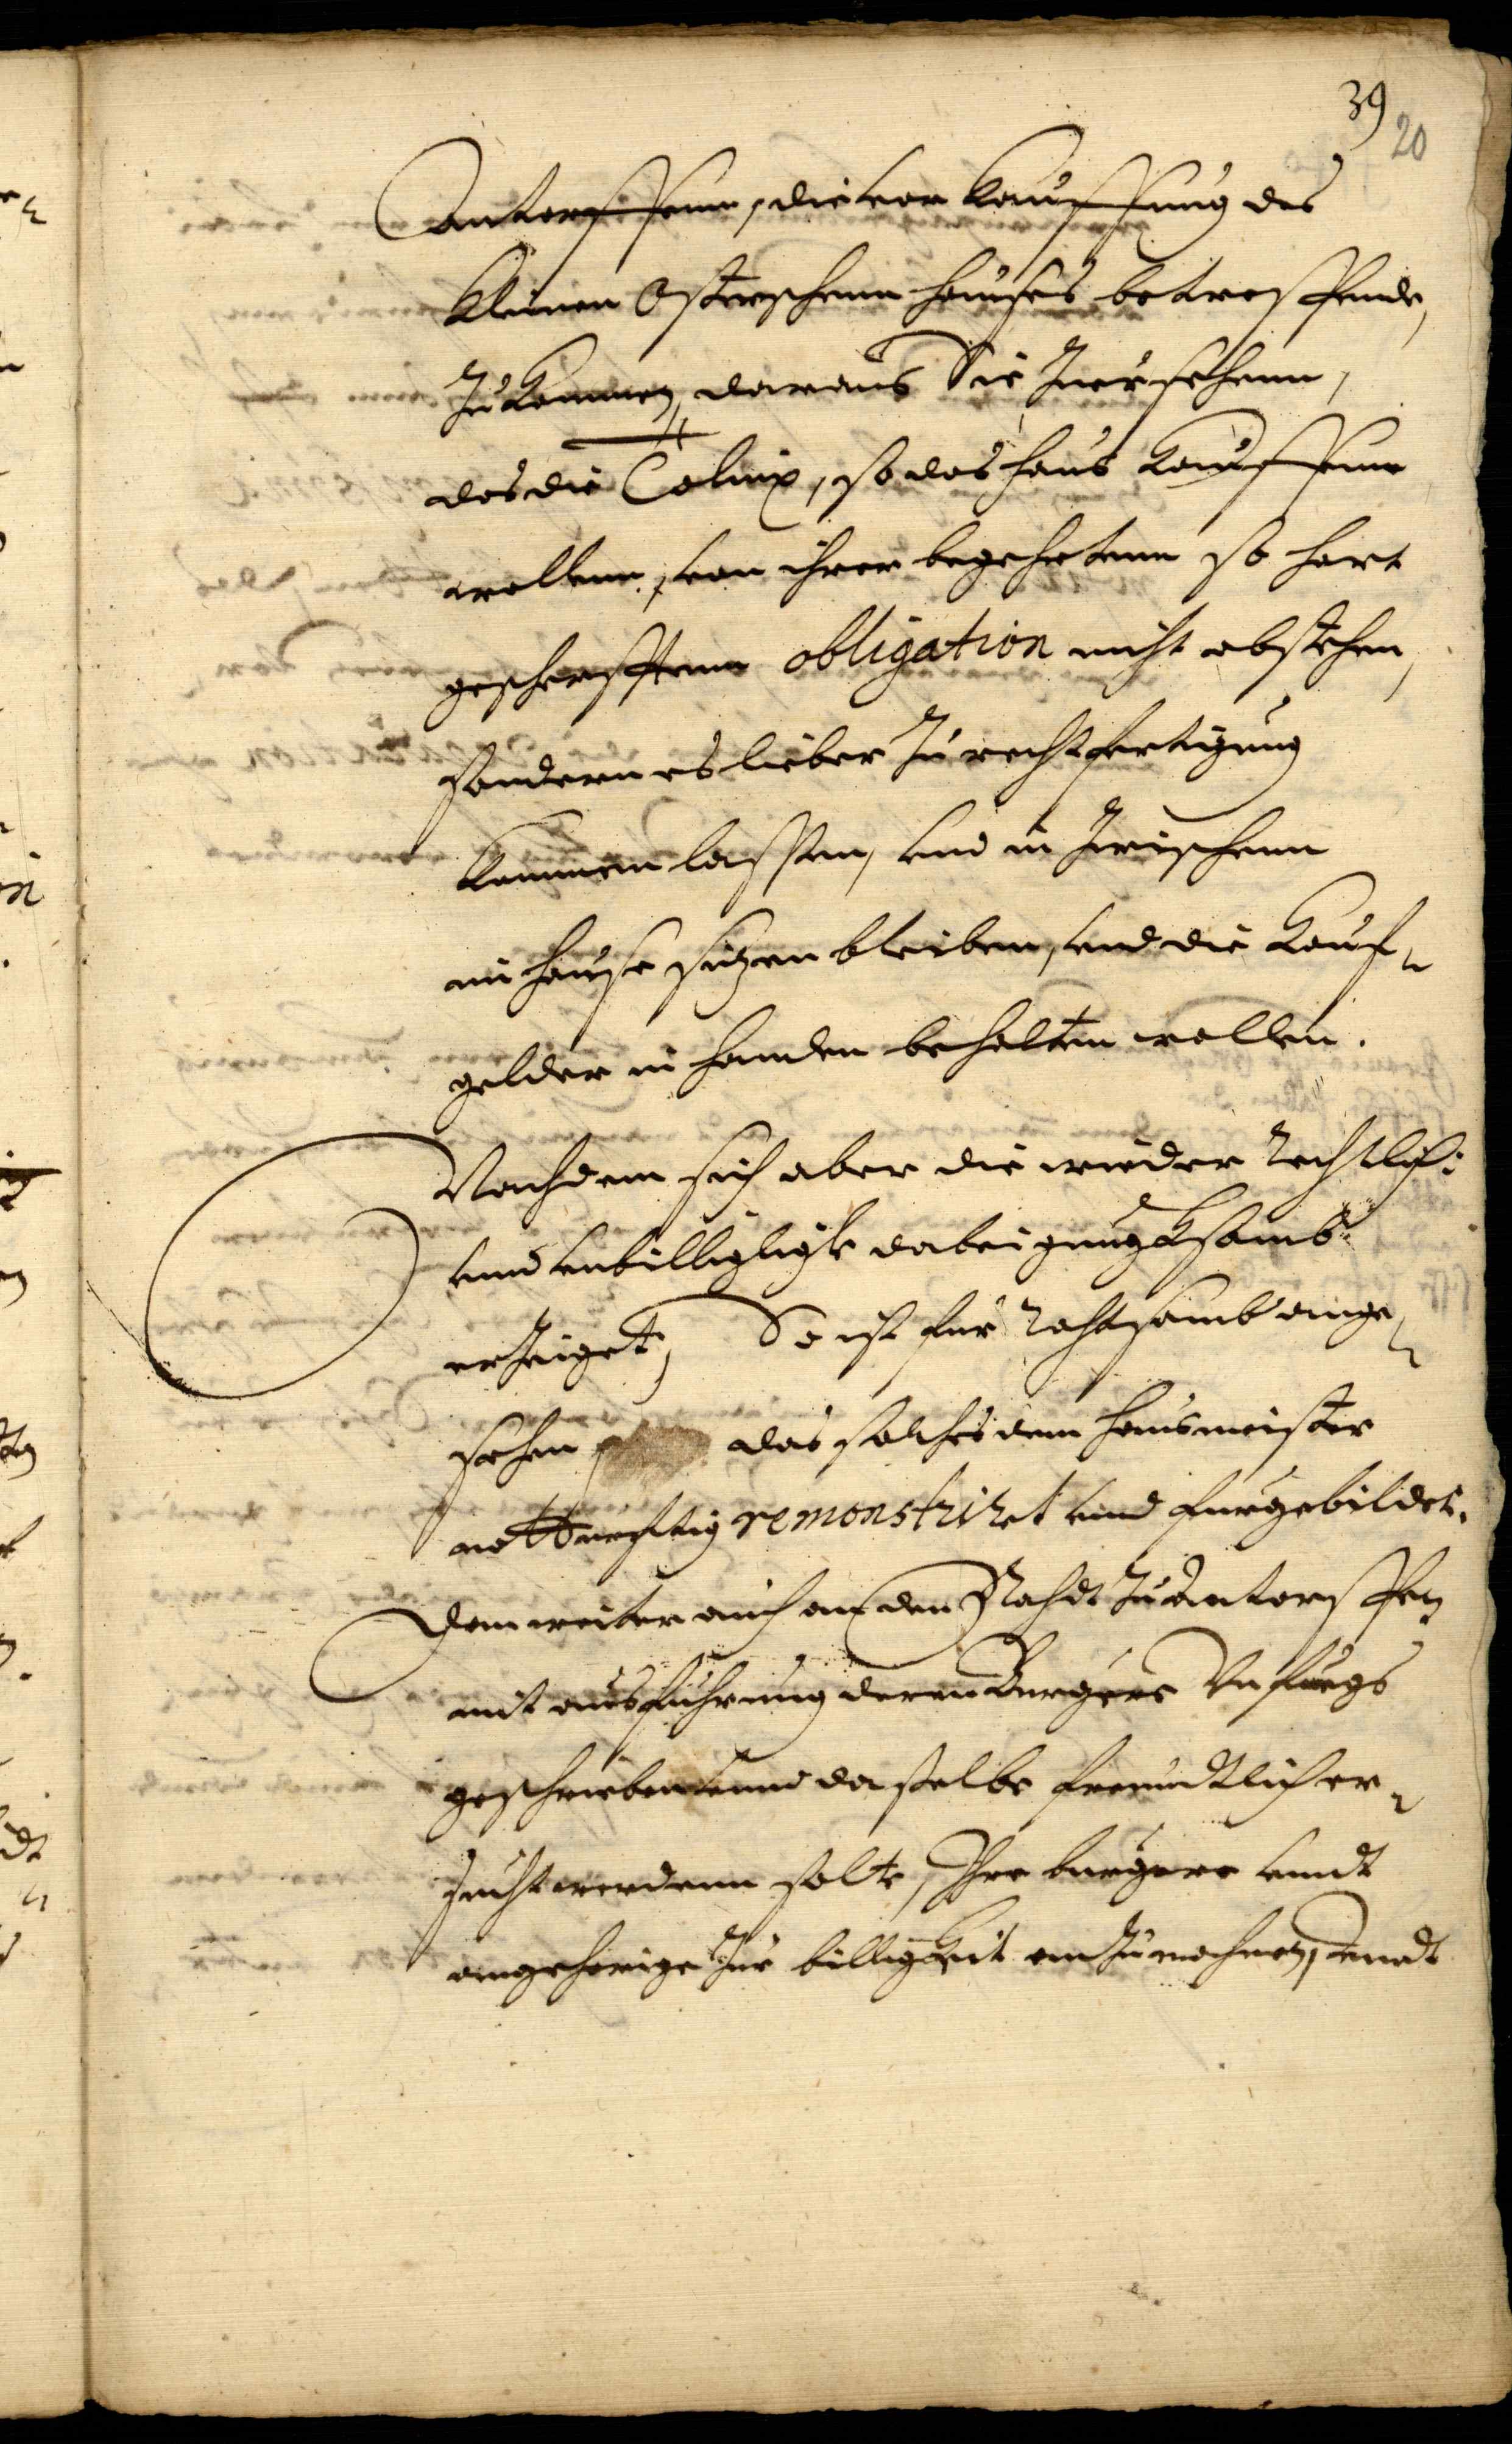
39
Antorffenn, die vor kauffung des
kleinen Osterschenn hauses betreffende,
zukommen, daraus Sie zuersehenn,
das die Tolnix, so das haus kauffenn
wollenn, von ihrer begehrtenn so hart
gescherfttenn obligation nicht abstehen,
sondern es lieber zu rechtfertigung
kommen lassen, vnd in zwischenn
im hause sitzen bleiben, vnd die Kauf¬
gelder in handen behalten wollen.
Nachdem sich aber die wieder Rechtlich:
vnnd vnbilligligk dabei gnugksamb
erzeiget, So ist fur rahtsamb ange¬
sehen, das solches dem hausmeister
notturftig remonstriret vnnd furgebildet:
Dan weiter auch an den Rahdt zu Antorffen
mit ausfuhrung deren Burgere Vnfuegs
geschriebenn vnnd daßelbe freundtlich er¬
sucht werdenn solte, Ihre burgere vnndt
angehorige zur billigkeit anzumahnen, Vnndt
